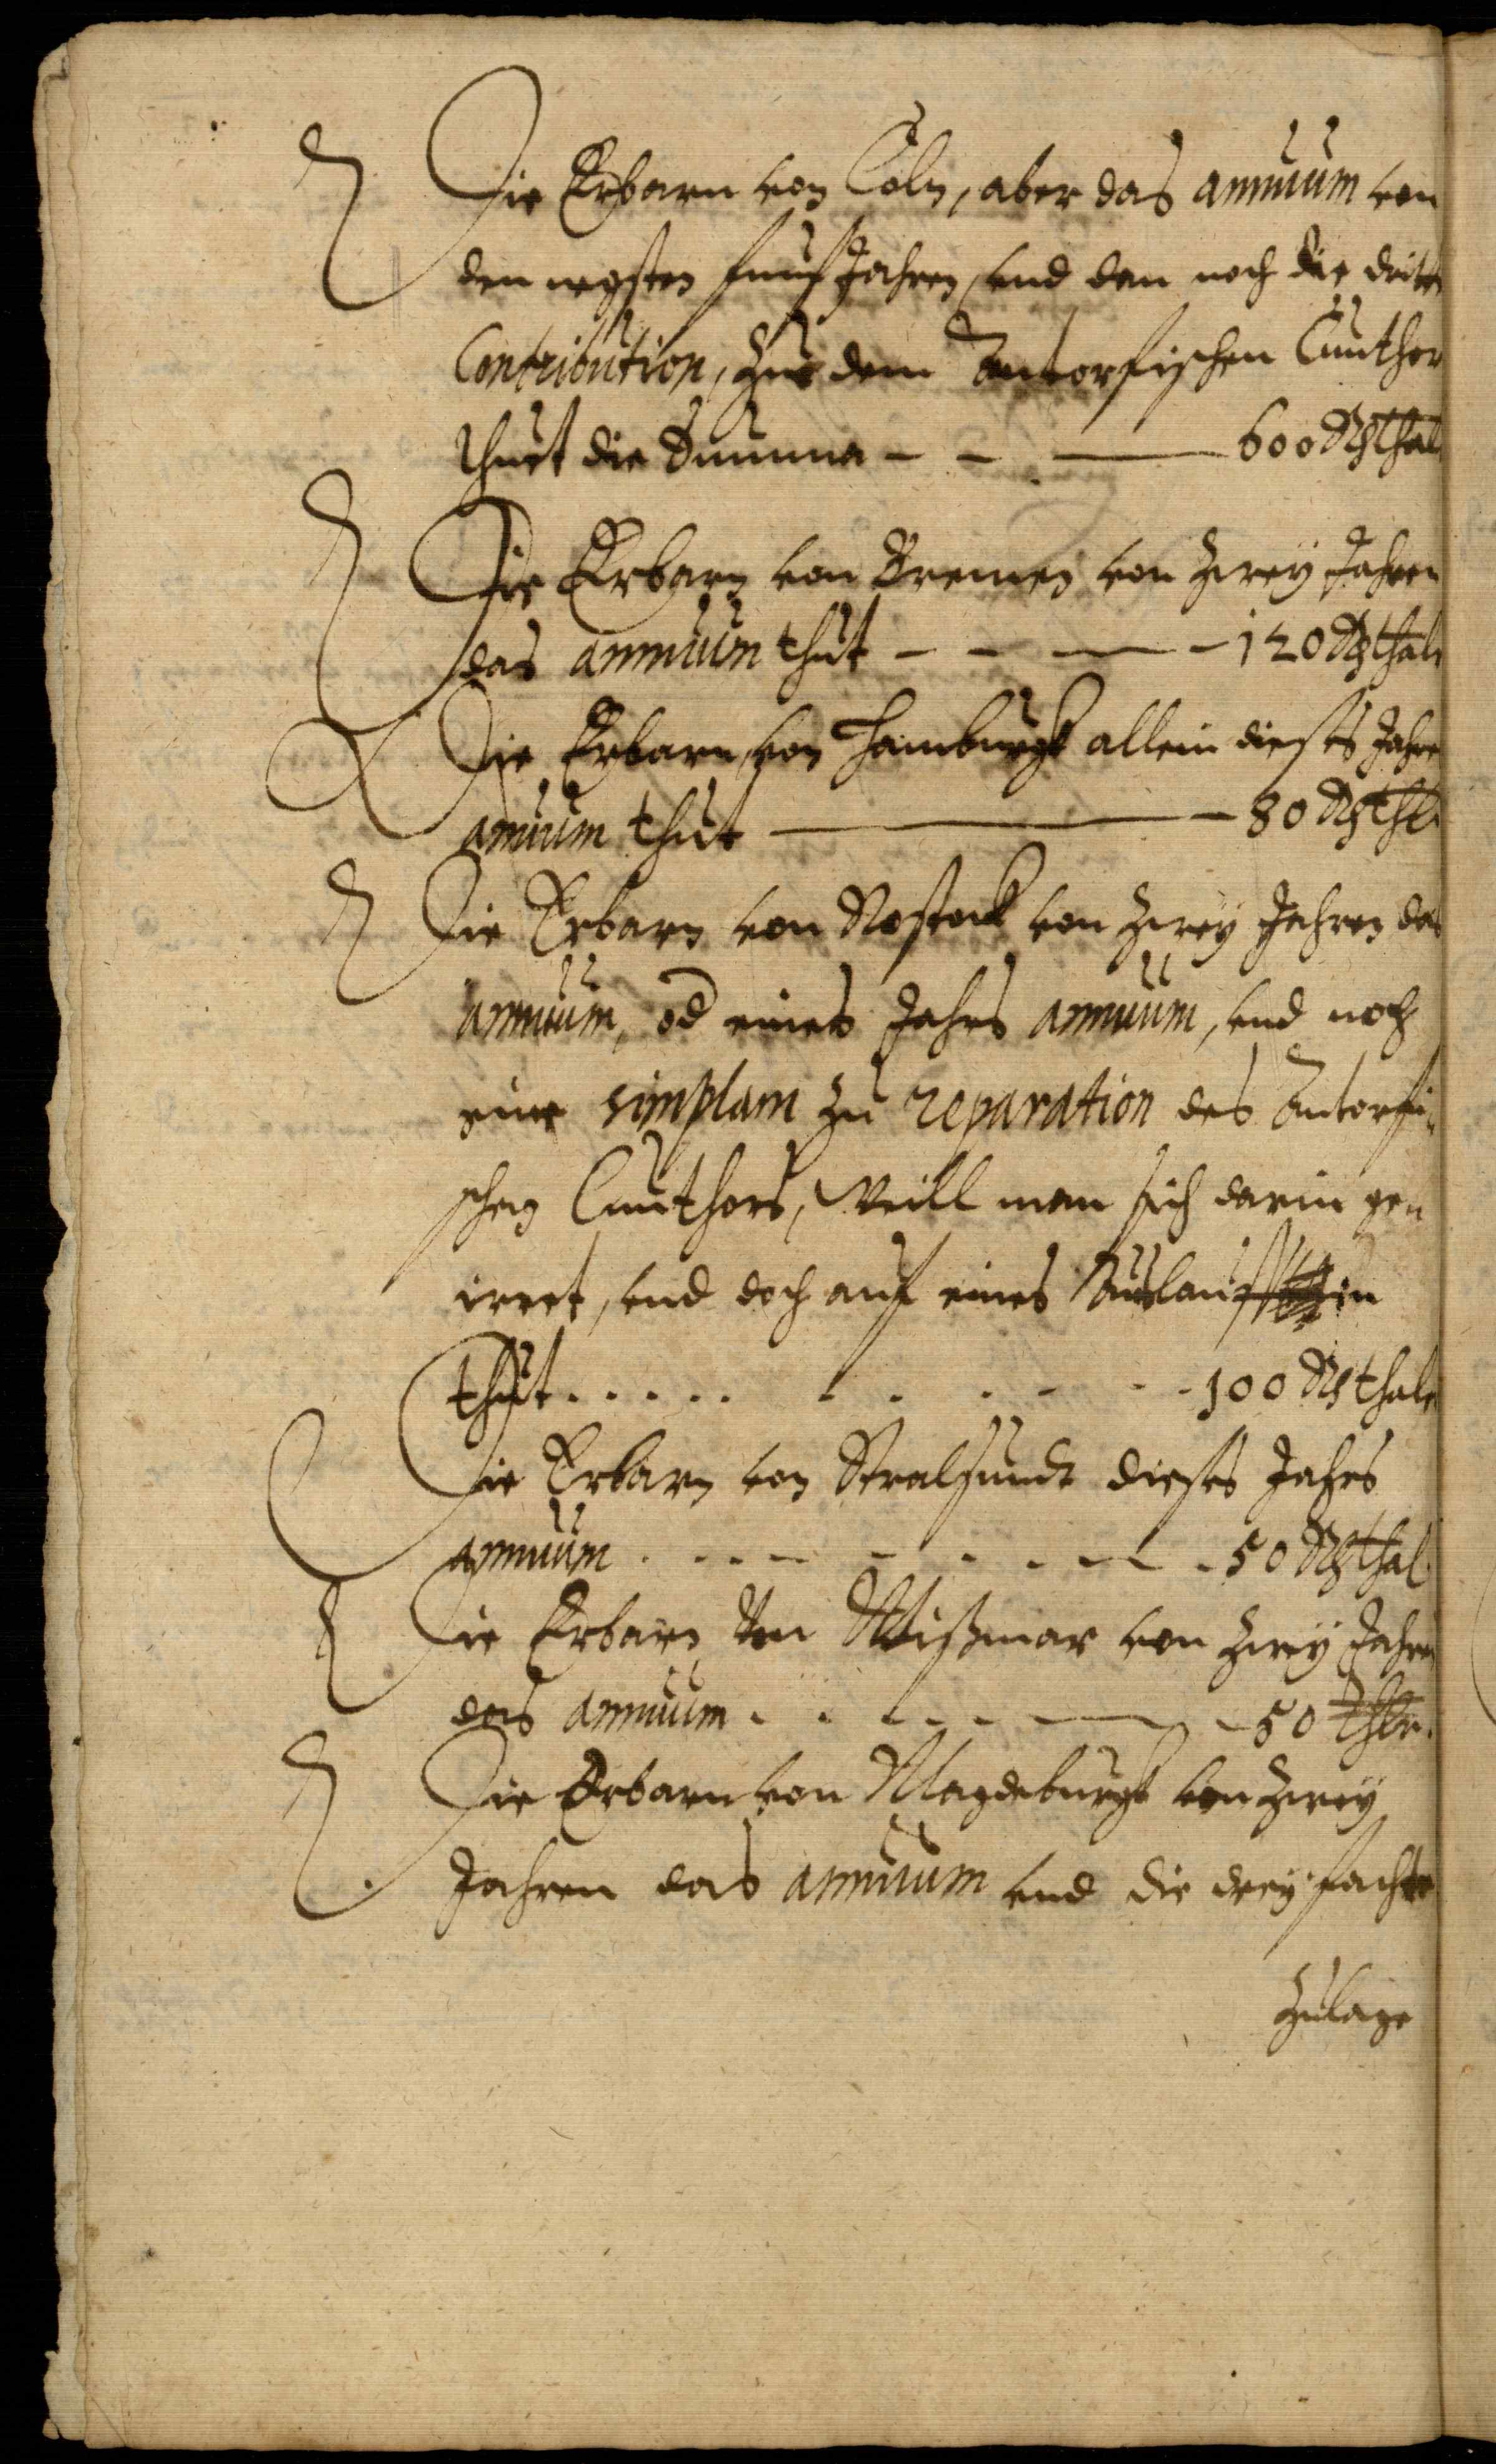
die Erbarn von Coln, aber das annuum von
den negsten funf Jahren, vnd dan noch die dritte
Contribution, zu dem Antorfischen Cunthor
thuet die Summa _ 600 Reichsthaler
Die Erbarn von Bremen von zweij Jahren
das annuum thut _ 120 Reichsthaler
Die Erbarn von Hamburgk allein dieses Jahr
annuum, thut _ 80 Reichsthaler
Die Erbarn von Rostock von zweij Jahren das
annuum, oder eines Jahres annuum, vnd noch
eine simplam zu reparation des Antorfi¬
schen Cunthors, weill man sich darin ge¬
irrt, vnd doch auf eines Auslauftttin
thut _ 100 Rhthaler
Die Erbarn von Stralsundt dieses Jahres
annuum _ 50 Reichsthaler
Die Erbarn von Wißmar von zweij Jahren
das annuum _ 50 Thaler.
Die Erbarn von Magdeburgk von zweij
Jahren das annuum vnd die dreij fachte
zulage
